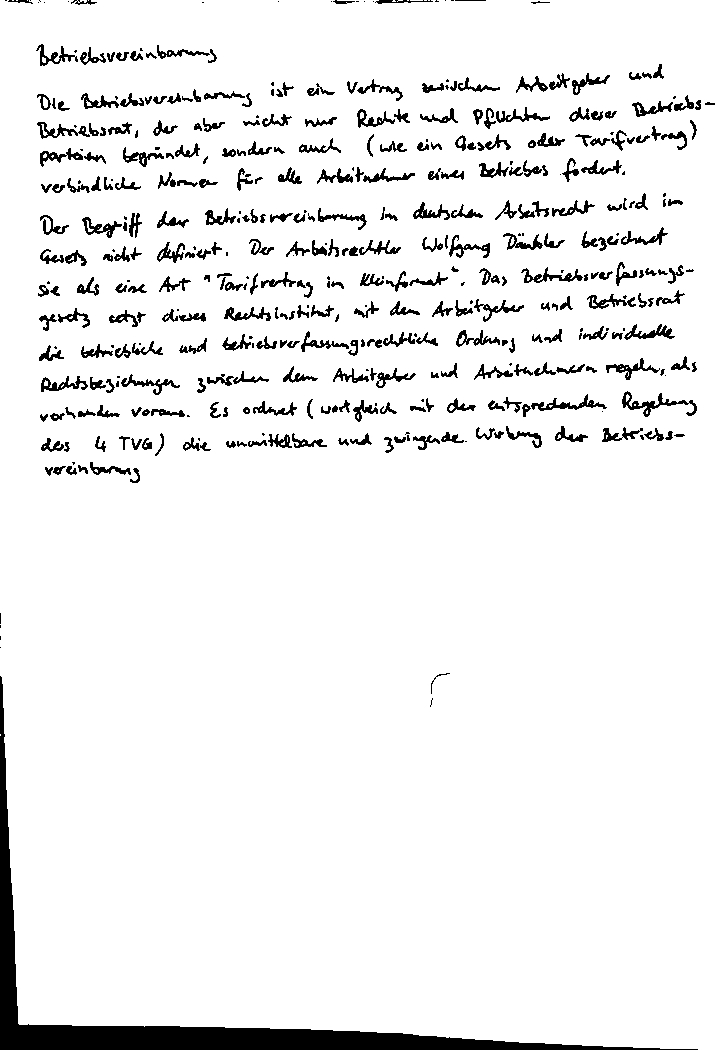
Betriebsvereinbarung
Die Betriebsvereinbarung ist ein Vertrag zwischen Arbeitgeber und
Betriebsrat, der aber nicht nur Rechte undPflichten dieser Betriebs-
parteien begründet, sondern auch (wie ein Gesetz oder Tarifvertrag)
verbindliche Normen für alle Arbeitnehmer eines Betriebes formuliert.
Der Begriff der Betriebsvereinbarung im deutschen Arbeitsrecht wird im
Gesetz nicht definiert. Der Arbeitsrechtler Wolfgang Däubler bezeichnet
sie als eine Art "Tarifvertrag im Kleinformat". Das Betriebsverfassungs-
gesetz setzt dieses Rechtsinstitut, mit dem Arbeitgeber und Betriebsrat
die betriebliche und betriebsverfassungsrechtliche Ordnung und individuelle
Rechtsbeziehungen zwischen Arbeitgeber und Arbeitnehmern regeln, als
vorhanden voraus. Es ordnet (wortgleich mit der entsprechenden Regelung
des 4 TVG) die unmittelbare und zwingende Wirkung der Betriebs-
